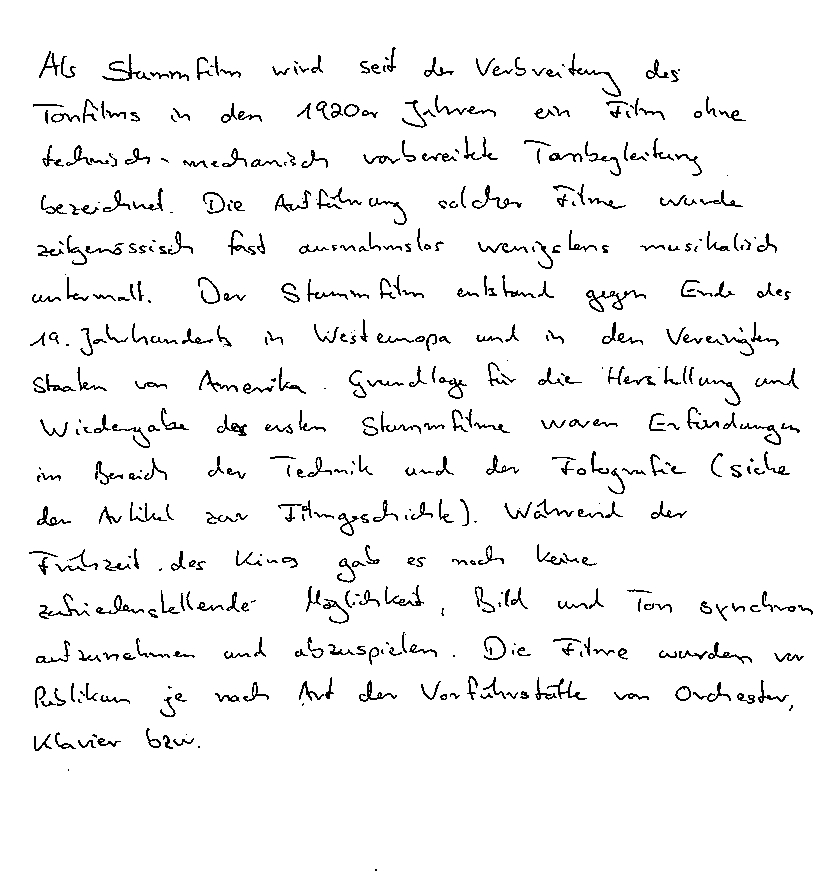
Als Stummfilm wird seit der Verbreitung des
Tonfilms in den 1920er Jahren ein Film ohne
technisch-mechanisch vorbereitete Tonbegleitung
bezeichnet Die Aufführung solcher Filme wurde
zeitgenössisch fast ausnahmslos wenigstens musikalisch
untermalt. Der Stummfilm Grundlage gegen Ende des
19. Jahrhunderts in Westeuropa und in den Vereinigten
Staaten von Amerika Grundlage für die Herstellung und
Wiedergabe der ersten Stummfilme waren Erfindungen
im Bereich der Technik und der Fotografie (siehe
den Artikel zur Filmgeschichte). Während der
Frühzeit des Kinos gab es noch keine
zufriedenstellende Möglichkeit, Bild und Ton synchron
aufzunehmen und abzuspielen. Die Filme wurden vor
Publikum je nach Art der Vorführstätte von Orchester,
Klavier bzw.
